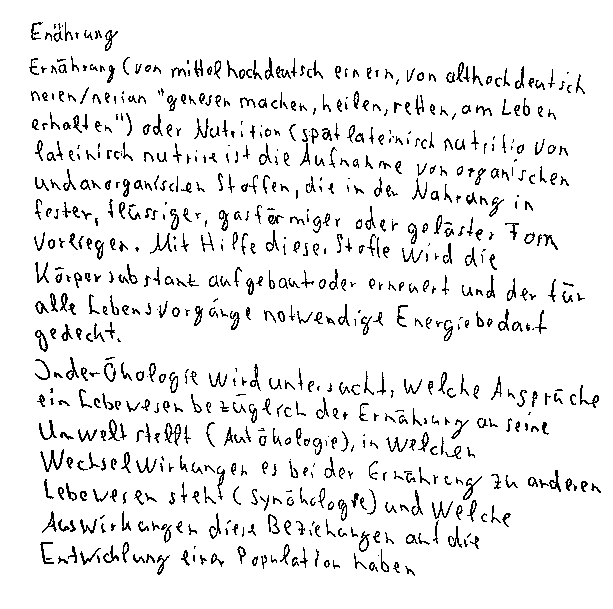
Ernährung
Ernährung (von mittelhochdeutsch ernern, von althochdeutsch
neren/nerian "genesen machen, heilen, retten, am Leben
erhalten") oder Nutrition (spätlateinisch nutritio von
lateinisch nutrire ist die Aufnahme von organischen
und anorganischen Stoffen, die in der Nahrung in
fester, flüssiger, gasförmiger oder gelöster Form
vorliegen. Mit Hilfe dieser Stoffe wird die
Körpersubstanz aufgebaut oder erneuert und der für
alle Lebensvorgänge notwendige Energiebedarf
gedeckt.
In der Ökologie wird untersucht, welche Ansprüche
ein Lebewesen bezüglich der Ernährung an seine
Umwelt stellt (Autökologie), in welchen
Wechselwirkungen es bei der Ernährung zu anderen
Lebewesen steht (Synökologie) und welche
Auswirkungen diese Beziehungen auf die
Entwicklung einer Population haben
